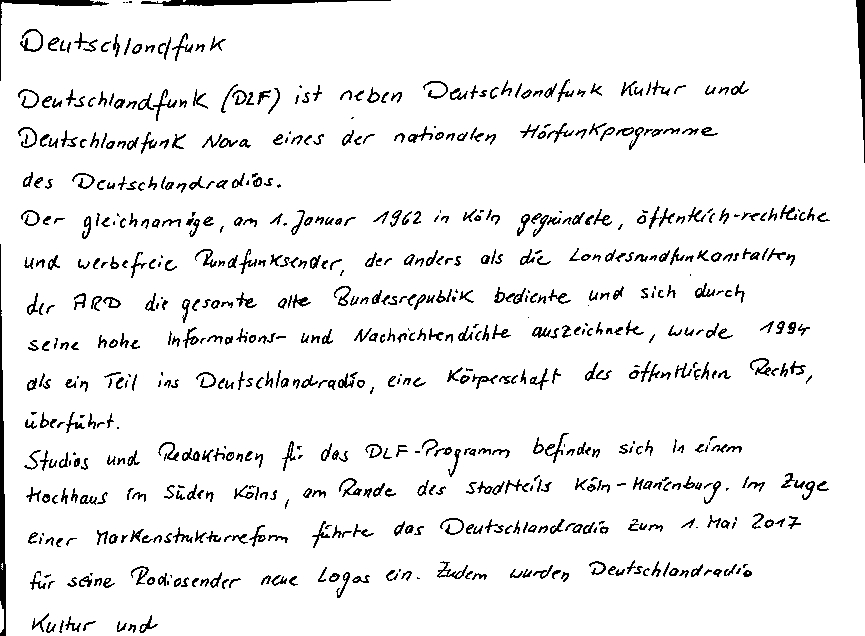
Deutschlandfunk
Deutschlandfunk (DLF) ist neben Deutschlandfunk Kultur und
Deutschlandfunk Nova eines der nationalen Hörfunkprogramme
des Deutschlandradios.
Der gleichnamige, am 1. Januar 1962 in Köln gegründete, öffentlich-rechtliche
und werbefreie Rundfunksender, der anders als die Landesrundfunkanstalten
der ARD die gesamte alte Bundesrepublik bediente und sich durch
seine hohe Informations- und Nachrichtendichte auszeichnete, wurde 1994
als ein Teil ins Deutschlandradio, eine Körperschaft des öffentlichen Rechts,
überführt.
Studios und Redaktionen für das DLF-Programm befinden sich in einem
Hochhaus im Süden Kölns, am Rande des Stadtteils Köln-Marienburg. Im Zuge
einer Markenstrukturreform führte das Deutschlandradio zum 1 Mai 2017
für seine Radiosender neue Logos ein. Zudem wurden Deutschlandradio
Kultur und
